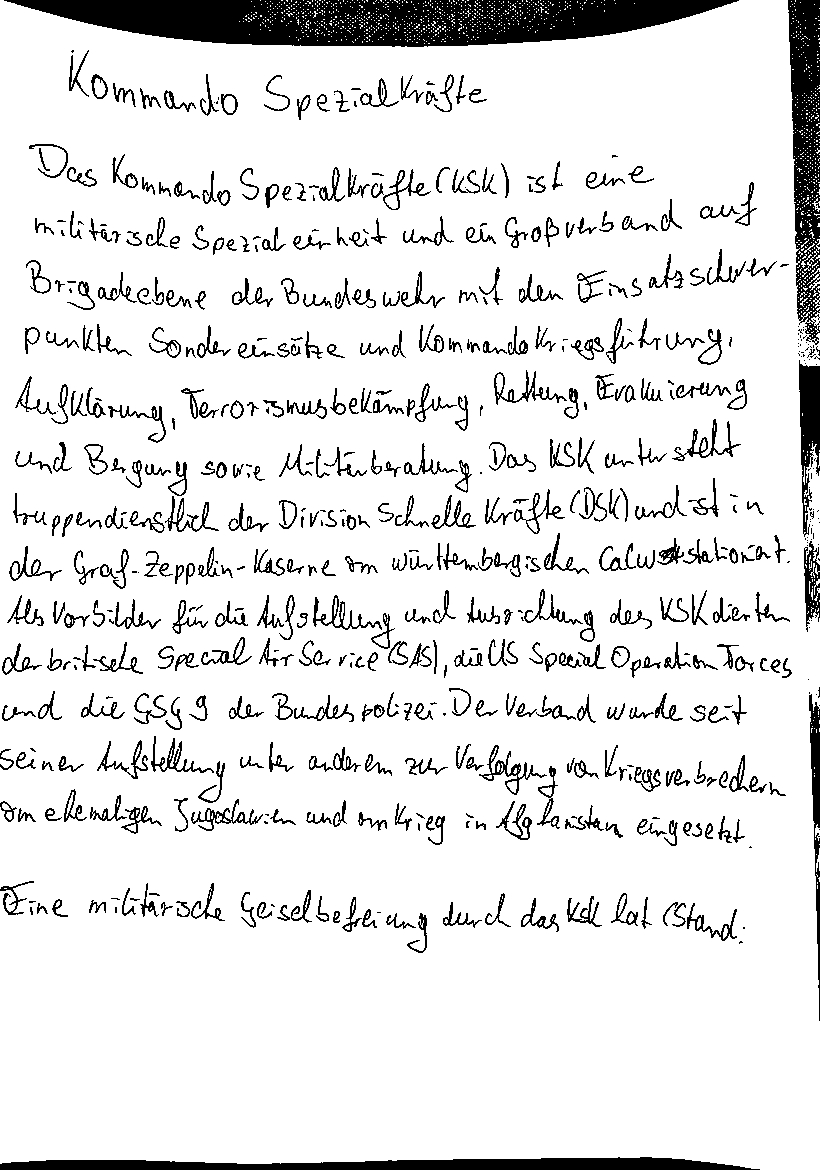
Kommando Spezialkräfte
Das Kommando Spezialkräfte (KSK) ist eine
militärische Spezialeinheit und ein Großverband auf
Brigadeebene der Bundeswehr mit den Einsatzschwer-
Punkten Sondereinsätze und Kommandokriegsführung,
Aufklärung, Terrorismusbekämpfung, Rettung, Evakuierung
und Bergung sowie Militärberatung. Das KSK untersteht
truppendienstlich der Division Schnelle Kräfte (DSK) und ist in
der Graf-Zeppelin-Kaserne im württembergischen Calw stationiert.
Als Vorbilder für die Aufstellung und Ausrichtung des KSK dienten
der britische Special Air Service (SAS), die US Special Operations Forces
und die GSG 9 der Bundespolizei. Der Verband wurde seit
seiner Aufstellung unter anderem zur Verfolgung von Kriegsverbrechern
im ehemaligen Jugoslawien und im Krieg in Afghanistan eingesetzt.
Eine militärische Geiselbefreiung durch das KSK hat (Stand:
